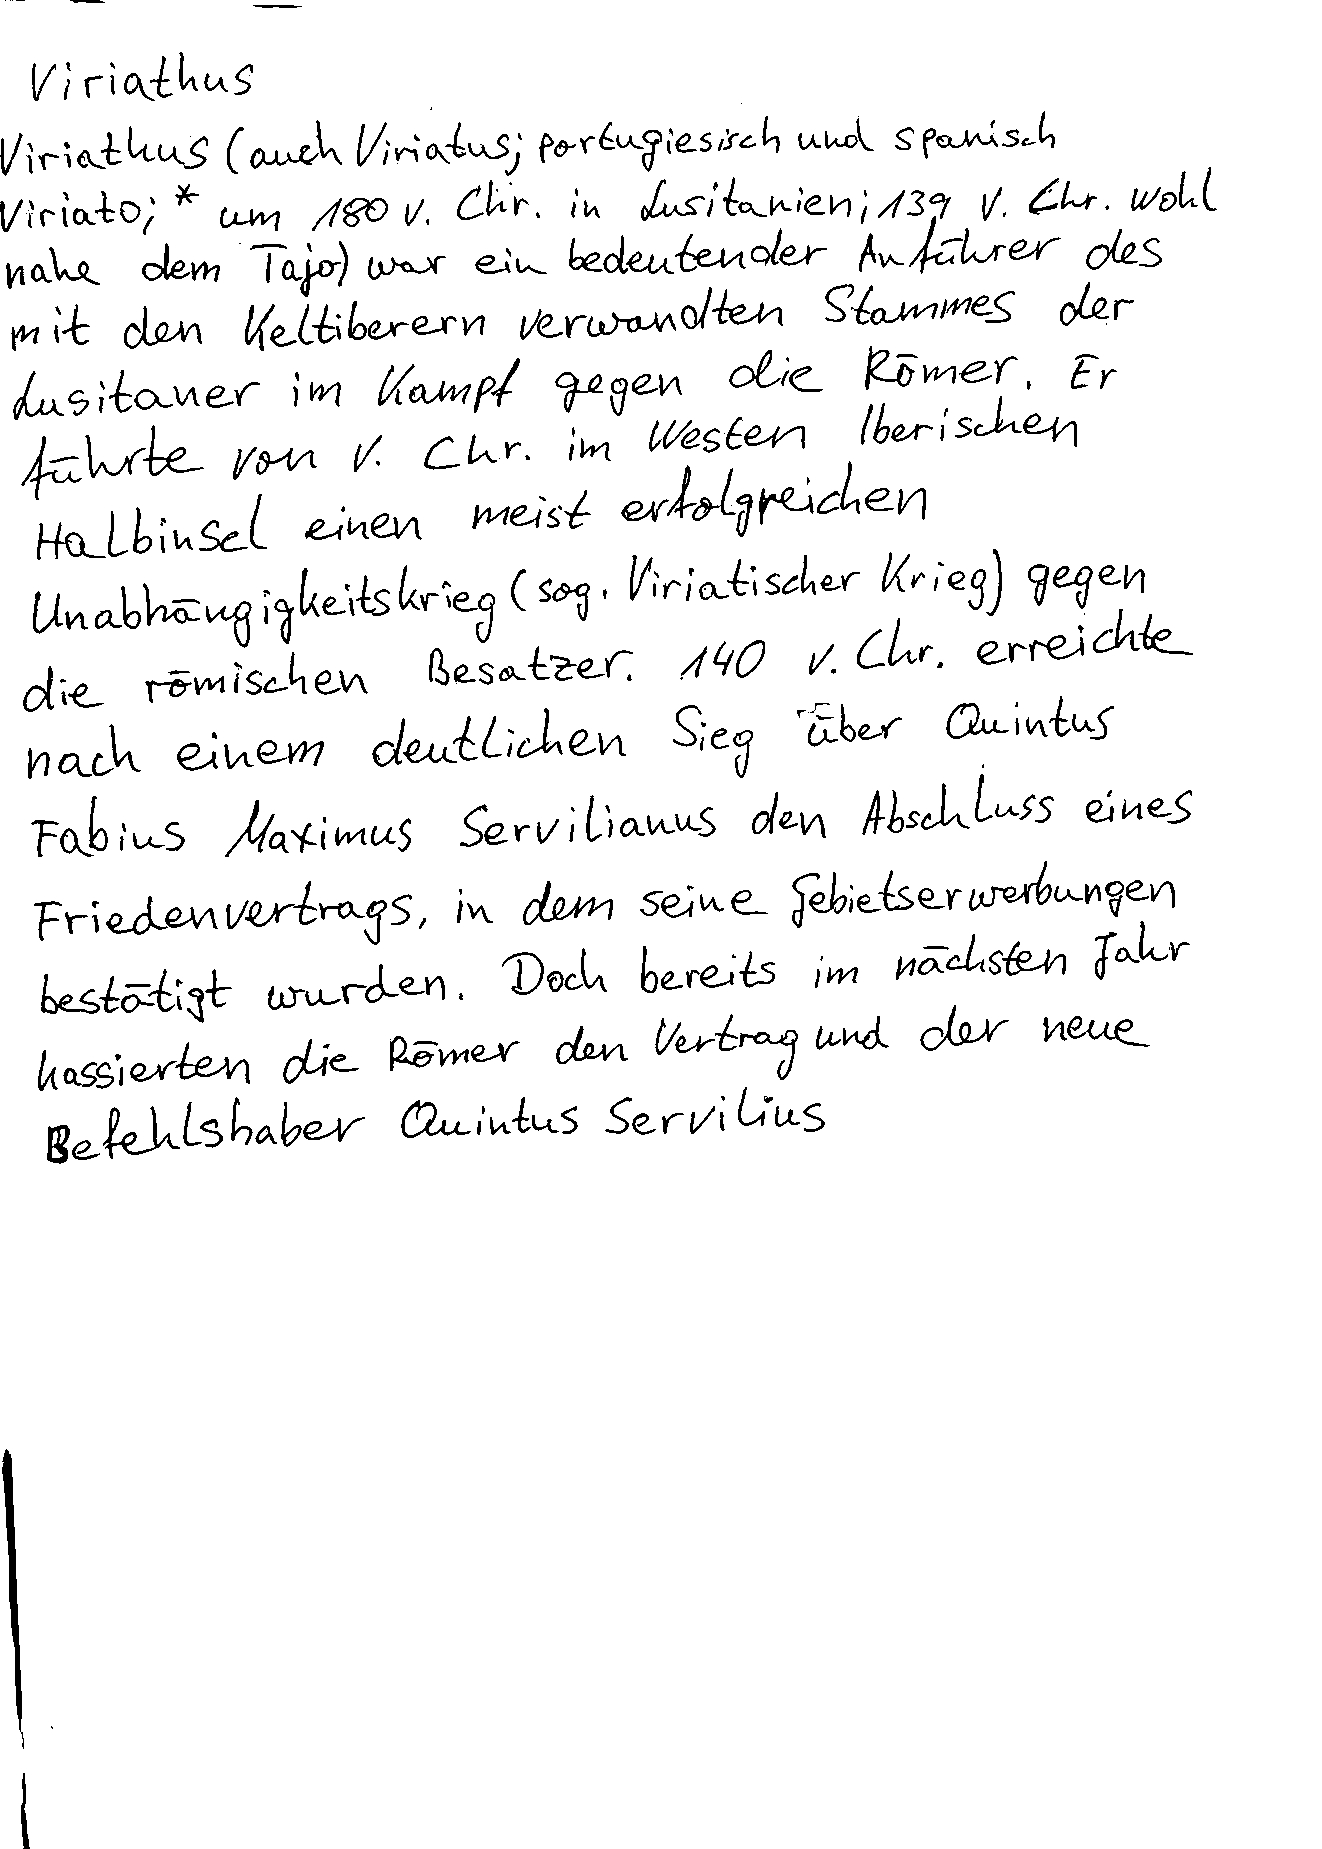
Viriathus
Viriathus (auch Viriatus; portugiesisch und spanisch
Viriato; * um 180 v. Chr. in Lusitanien; 139 V. Chr. wohl
nahe dem Tajo) war ein bedeutender Anführer des
mit den Keltiberern verwandten Stammes der
Lusitaner im Kampf gegen die Römer. Er
führte von V. Chr. im Westen Iberischen
Halbinsel einen meist erfolgreichen
Unabhängigkeitskrieg (sog. Viriatischer Krieg) gegen
die römischen Besatzer. 140 v.Chr. erreichte
nach einem deutlichen Sieg über Quintus
Fabius Maximus Servilianus den Abschluss eines
Friedensvertrags, in dem seine Gebietserwerbungen
bestätigt wurden. Doch bereits im nächsten Jahr
kassierten die Römer den Vertrag und der neue
Befehlshaber Quintus Servilius
